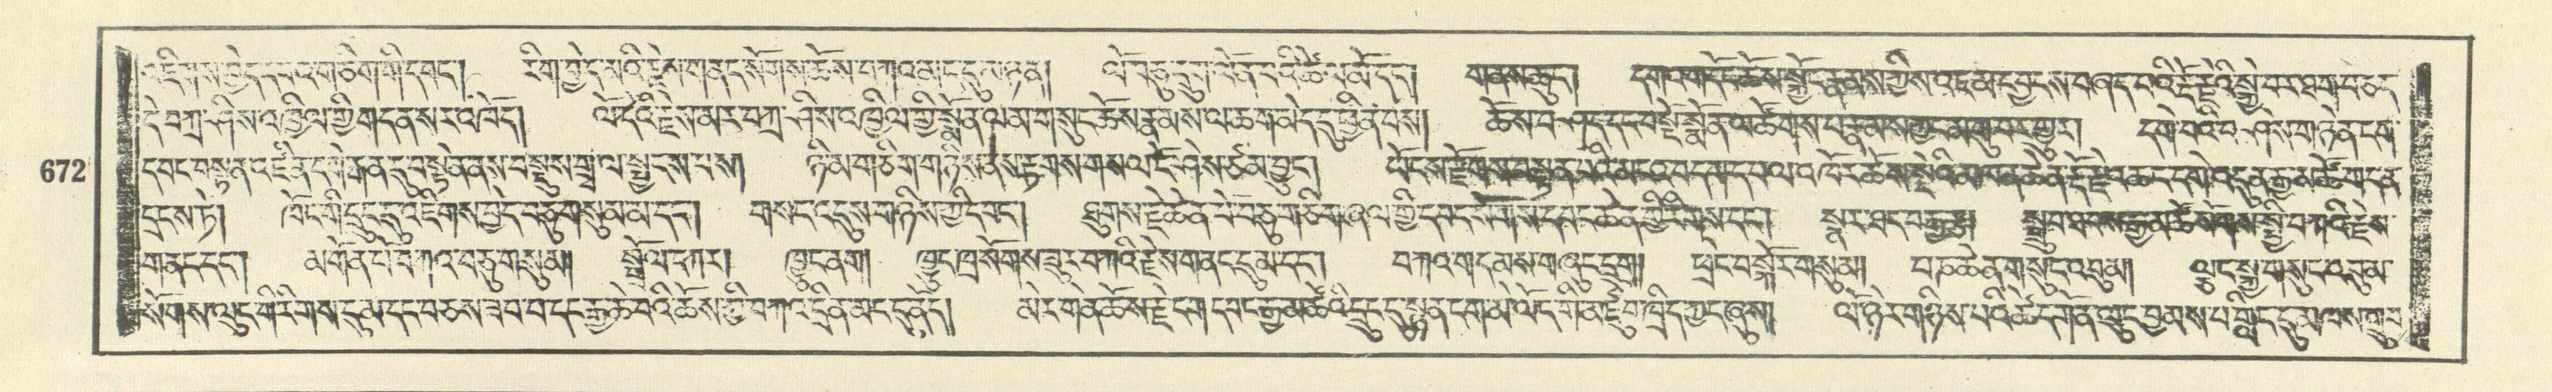འཇིགས་བྱེད་དཔའ་གཅིག་གི་དབང་། རིག་བྱེད་མའི་རྗེས་གནང་སོགས་ཆོས་བཀའ་མང་དུ་མཉན། ལོ་བཅུ་དྲུག་ལོན་པའི་ཚེ་ལ་མོ་དང་། གནས་ཆུང་། དགའ་གདོང་ཆོས་སྐྱོང་རྣམས་ཀྱིས་འཇམ་དབྱངས་བཞད་པའི་རྡོ་རྗེའི་སྐྱེ་བར་ཐག་བཅད་
དེ་བཀྲ་ཤིས་འཁྱིལ་གྱི་གདན་སར་འཁོད། ལོ་དེའི་རྗེས་མར་བཀྲ་ཤིས་འཁྱིལ་གྱི་སྨོན་ལམ་གསུང་ཆོས་རྣམས་ལ་ཆག་མེད་དུ་ཕྱིན་པས། ཆོས་བཤད་དང་བསྔོ་སྨོན་ལ་ཚོགས་པ་རྣམས་ཀྱང་མགུ་བར་གྱུར། དགེ་བའི་བཤེས་གཉེན་ངག་
དབང་བསྟན་འཛིན་དགེ་རྒན་དུ་བསྟེན་ནས་བསྡུས་གྲྭ་ལ་སྦྱངས་པས། ཉི་མ་གཅིག་གཉིས་ནས་རྟགས་གསལ་ངོ་ཤེས་ཙམ་བྱུང་། ཡོངས་རྫོགས་བསྟན་པའི་མངའ་བདག་དཔལ་འཁོར་ཆོས་སྡེའི་མཁན་ཆེན་རྡོ་རྗེ་འཆང་དགེ་འདུན་རྒྱ་མཚོ་གདན་
དྲངས་ཏེ། ཁོང་གི་དྲུང་དུ་འཇིགས་བྱེད་བཅུ་གསུམ་མ་དང་། གསང་འདུས་གཉིས་ཀྱི་དབང་། ཐུགས་རྗེ་ཆེན་པོ་བཅུ་གཅིག་ཞལ་གྱི་དབང་སོགས་དབང་ཆེན་གྱི་རིགས་དང་། སྣར་ཐང་བརྒྱད་རྩ། སྒྲུབ་ཐབས་རྒྱ་མཚོ་སོགས་སྤྱི་བཀའི་རྗེས་
གནང་དང་། མགོན་པོ་བཀའ་བཅུ་གསུམ། སྒྲོལ་དཀར། ཁྱུང་ནག། ཁྱུང་ཁྲ་སོགས་ཟུར་བཀའི་རྗེས་གནང་དུ་མ་དང་། བཀའ་གདམས་གཞུང་དྲུག། ཕྲེང་བསྐོར་གསུམ། པཎ་ཆེན་གསུང་འབུམ། ལྕང་སྐྱ་གསུང་འབུམ་
སོགས་ལུང་གི་རིགས་དུ་མ་དང་བཅས་ཟབ་པ་དང་རྒྱ་ཆེ་བའི་ཆོས་ཀྱི་བཀའ་དྲིན་མང་དུ་ནོད། མེར་གེན་ཆོས་རྗེ་ངག་དབང་རྒྱ་མཚོའི་དྲུང་དུ་སྙན་ངག་མེ་ལོང་གི་མཛུབ་ཁྲིད་ཀྱང་ཞུས། ལོ་ཉེར་གཉིས་པའི་ཚེ་དགོན་ལུང་བྱམས་པ་གླིང་དུ་མཁས་གྲུབ་